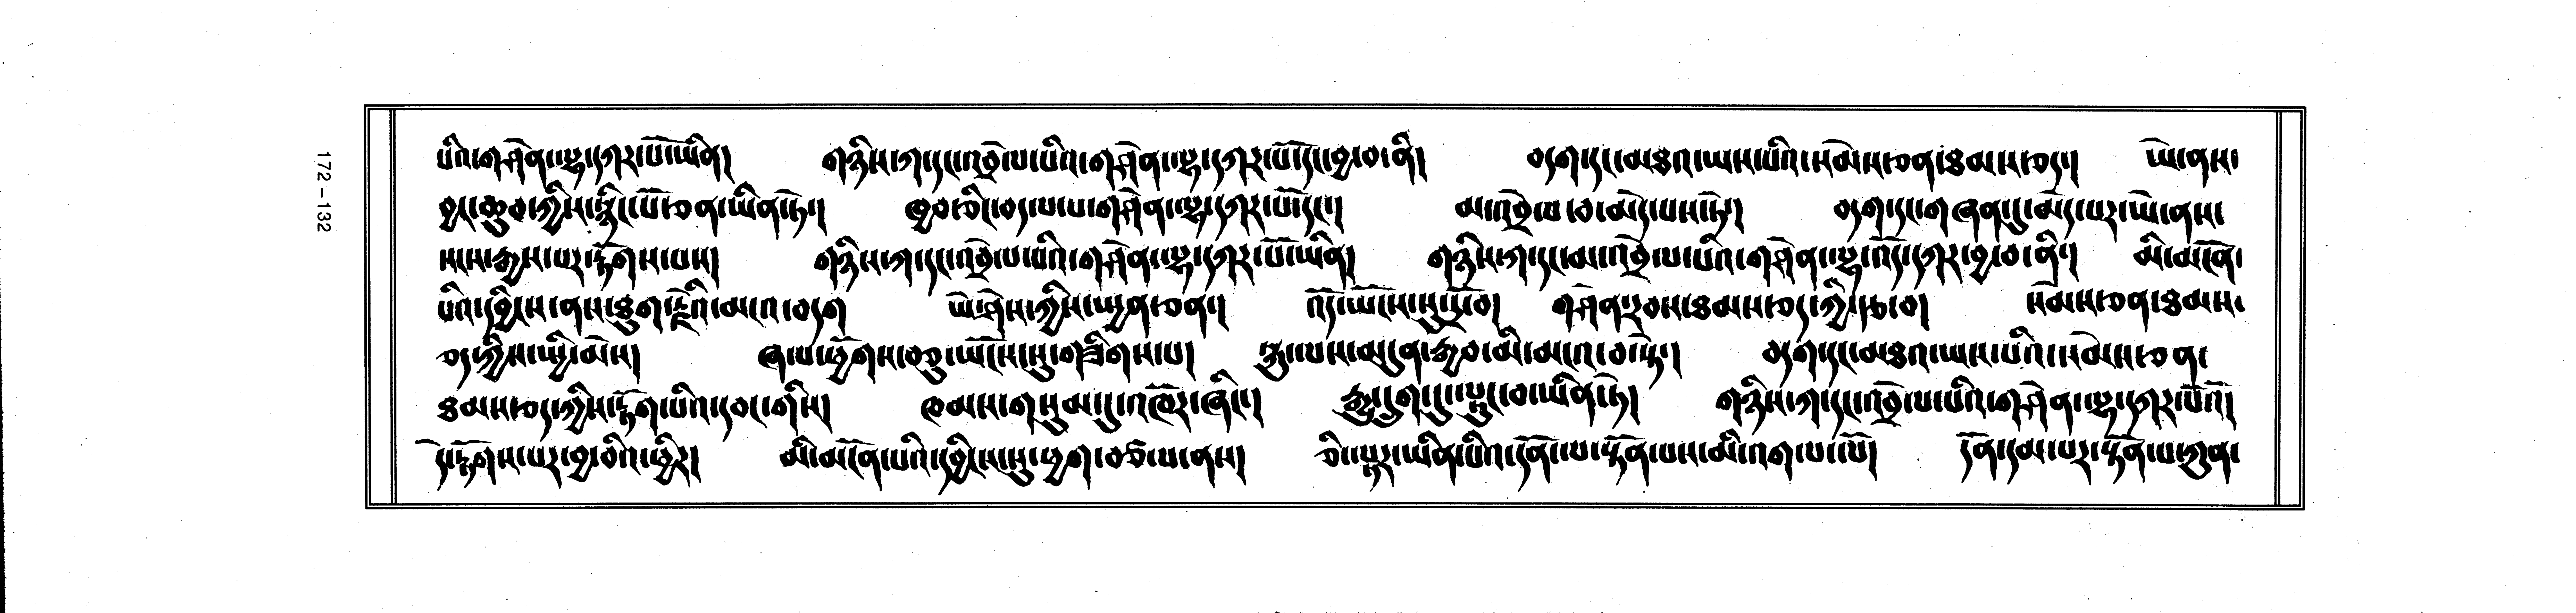པའི་གཤེན་ལྷ་དཀར་པོ་ཡིན། གཉིས་ཀ་དང་འབྲེལ་པའི་གཤེན་ལྷ་དཀར་པོ་དང་བྱ་བ་ནི། བདག་དང་མཐའ་ཡས་པའི་སེམས་ཅན་ཐམས་ཅད། ཡེ་ནས་
བྱང་ཆུབ་ཀྱིས་སྙིང་པོ་ཅན་ཡིན་ཏེ། ཁྱབ་ཅིང་བདལ་པ་གཤེན་ལྷ་དཀར་པོ་དང་། མ་འབྲེལ་བ་མེད་པས་ཏེ། བདག་དང་གཞན་དུ་མེད་པར་ཡེ་ནས་
སངས་རྒྱས་པར་རྟོགས་པས། གཉིས་ཀ་དང་འབྲེལ་པའི་གཤེན་ལྷ་དཀར་པོ་ཡིན། གཉིས་ཀ་དང་མ་འབྲེལ་པའི་གཤེན་ལྷ་འོད་དཀར་བྱ་བ་ནི། མི་མངོན་
པའི་དབྱིངས་ནས་ཐུག་རྗེའི་མངའ་བདག ཡེ་ཤེས་ཀྱིས་སྤྱན་ཅན། འོད་ཡོངས་སུ་དྲོ་བ། གཤེན་རབ་ཐམས་ཅད་ཀྱི་རྩ་བ། སེམས་ཅན་ཐམས་
ཅད་ཀྱིས་སྤྱི་མེས། ཞལ་ཕྱོགས་བཅུ་ཡོངས་སུ་གཟིགས་པ། སྐུ་ལས་མདུན་རྒྱབ་མི་མངའ་བ་སྟེ། བདག་དང་མཐའ་ཡས་པའི་སེམས་ཅན་
ཐམས་ཅད་ཀྱིས་རྟོག་པའི་དབང་གིས། ཁམས་གསུམ་དུ་འཁོར་ཞིང་། རྒྱུ་དྲུག་དུ་ལྟུང་བ་ཡིན་ཏེ། གཉིས་ཀ་དང་འབྲེལ་པའི་གཤེན་ལྷ་དཀར་པོའོ། 
དེ་རྟོགས་པར་བྱ་བའི་ཕྱིར། མི་མངོན་པའི་དབྱིངས་སུ་ཕྱག་བཙལ་ནས། ཅི་ལྟར་ཡིན་པའི་དོན་ལ་སྟོན་པས་མི་འགལ་ལོ། དོན་དམ་པར་སྟོན་པ་ཀུན་